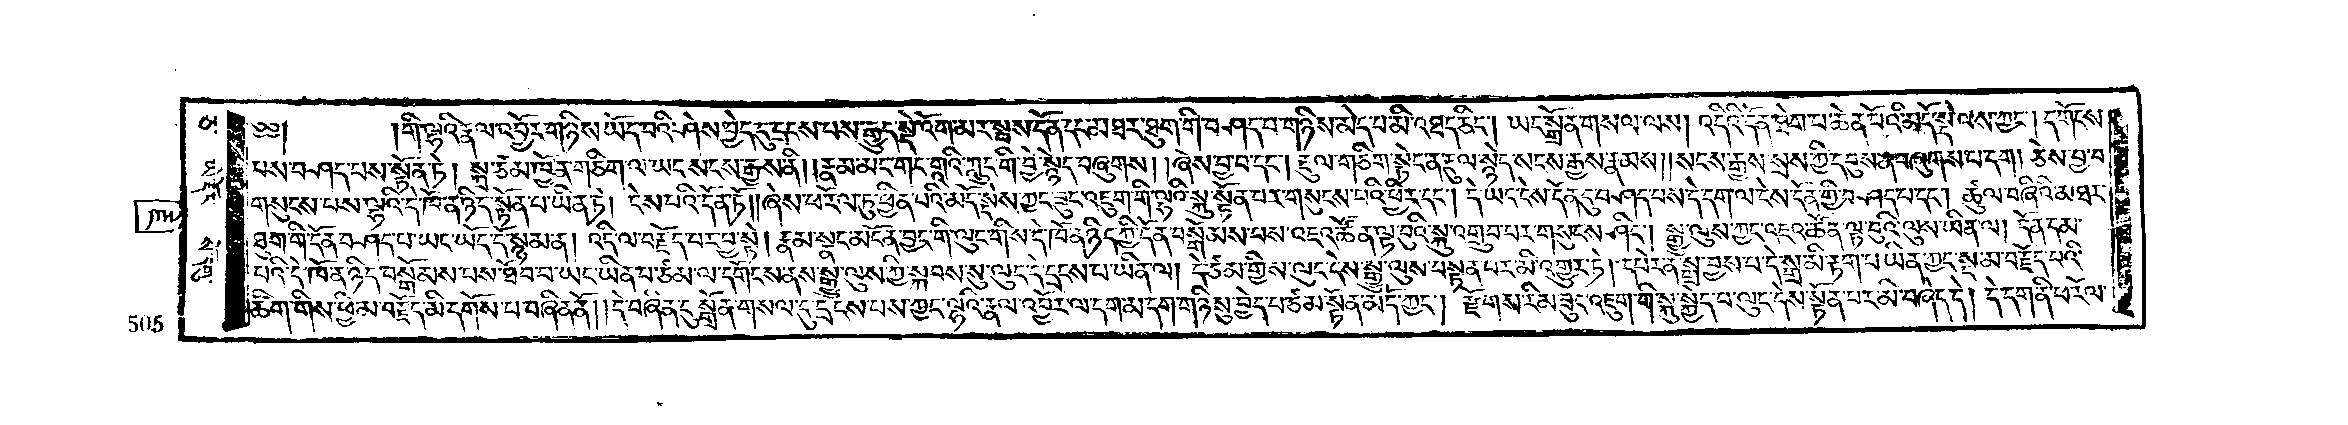༄༅། །གི་ལྷའི་རྣལ་འབྱོར་གཉིས་ཡོད་པའི་ཤེས་བྱེད་དུ་དྲངས་པས་རྒྱུད་སྡེ་འོག་མར་སྦས་དོན་དང་མཐར་ཐུག་གི་བཤད་པ་གཉིས་མེད་པ་མི་འཐད་ཅིང་། ཡང་སྒྲོན་གསལ་ལས། འདིའི་དོན་ཐེག་པ་ཆེན་པོའི་མདོ་སྡེ་ལས་ཀྱང་། དགོངས་
པས་བཤད་པས་སྟོན་ཏེ། སྐྲ་ཙམ་ཁྱོན་གཅིག་ལ་ཡང་སངས་རྒྱས་ནི། །རྣམ་མང་གང་གཱའི་ཀླུང་གི་བྱེ་སྙེད་བཞུགས། །ཞེས་བྱ་བ་དང་། རྡུལ་གཅིག་སྟེང་ན་རྡུལ་སྙེད་སངས་རྒྱས་རྣམས། །སངས་རྒྱས་སྲས་ཀྱི་དབུས་ན་བཞུགས་པ་དག །ཅེས་བྱ་བ་
གསུངས་པས་ལྷའི་དེ་ཁོ་ན་ཉིད་སྟོན་པ་ཡིན་ཏེ། ངེས་པའི་དོན་ཏོ། །ཞེས་ཕ་རོལ་ཏུ་ཕྱིན་པའི་མདོ་སྡེས་ཀྱང་ཟུང་འཇུག་གི་ལྷའི་སྐུ་སྟོན་པར་གསུངས་པའི་ཕྱིར་དང་། དེ་ཡང་ངེས་དོན་དུ་བཤད་པས་དེ་དག་ལ་ངེས་དོན་གྱི་བཤད་པ་དང་། ཚུལ་བཞིའི་མཐར་
ཐུག་གི་དོན་བཤད་པ་ཡང་ཡོད་དེ་སྙམ་ན། འདི་ལ་བརྗོད་པར་བྱ་སྟེ། རྣམ་སྣང་མངོན་བྱང་གི་ལུང་གིས་དེ་ཁོ་ན་ཉིད་ཀྱི་དོན་བསྒོམས་པས་འཇའ་ཚོན་ལྟ་བུའི་སྐུ་འགྲུབ་པར་གསུངས་ཤིང་། སྒྱུ་ལུས་ཀྱང་འཇའ་ཚོན་ལྟ་བུའི་ལུས་ཡིན་ལ། དོན་དམ་
པའི་དེ་ཁོ་ན་ཉིད་བསྒོམས་པས་ཐོབ་པ་ཡང་ཡིན་པ་ཙམ་ལ་དགོངས་ནས་སྒྱུ་ལུས་ཀྱི་སྐབས་སུ་ལུང་དེ་དྲངས་པ་ཡིན་ལ། དེ་ཙམ་གྱིས་ལུང་དེས་སྒྱུ་ལུས་བསྟན་པར་མི་འགྱུར་ཏེ། དཔེར་ན་སྒྲ་བྱས་པ་དེ་སྒྲ་མི་རྟག་པ་ཡིན་ཀྱང་སྔ་མ་བརྗོད་པའི་
ཚིག་གིས་ཕྱི་མ་བརྗོད་མི་དགོས་པ་བཞིན་ནོ། །དེ་བཞིན་དུ་སྒྲོན་གསལ་དུ་དྲངས་པས་ཀྱང་ལྷའི་རྣལ་འབྱོར་ལ་དག་མ་དག་གཉིས་སུ་བྱེད་པ་ཙམ་སྟོན་མདོ་ཀྱང་། རྫོགས་རིམ་ཟུང་འཇུག་གི་སྐུ་སྐྱེད་པ་ལུང་དེས་སྟོན་པར་མི་བཞེད་དེ། དེ་དག་ནི་ཕ་རོལ་